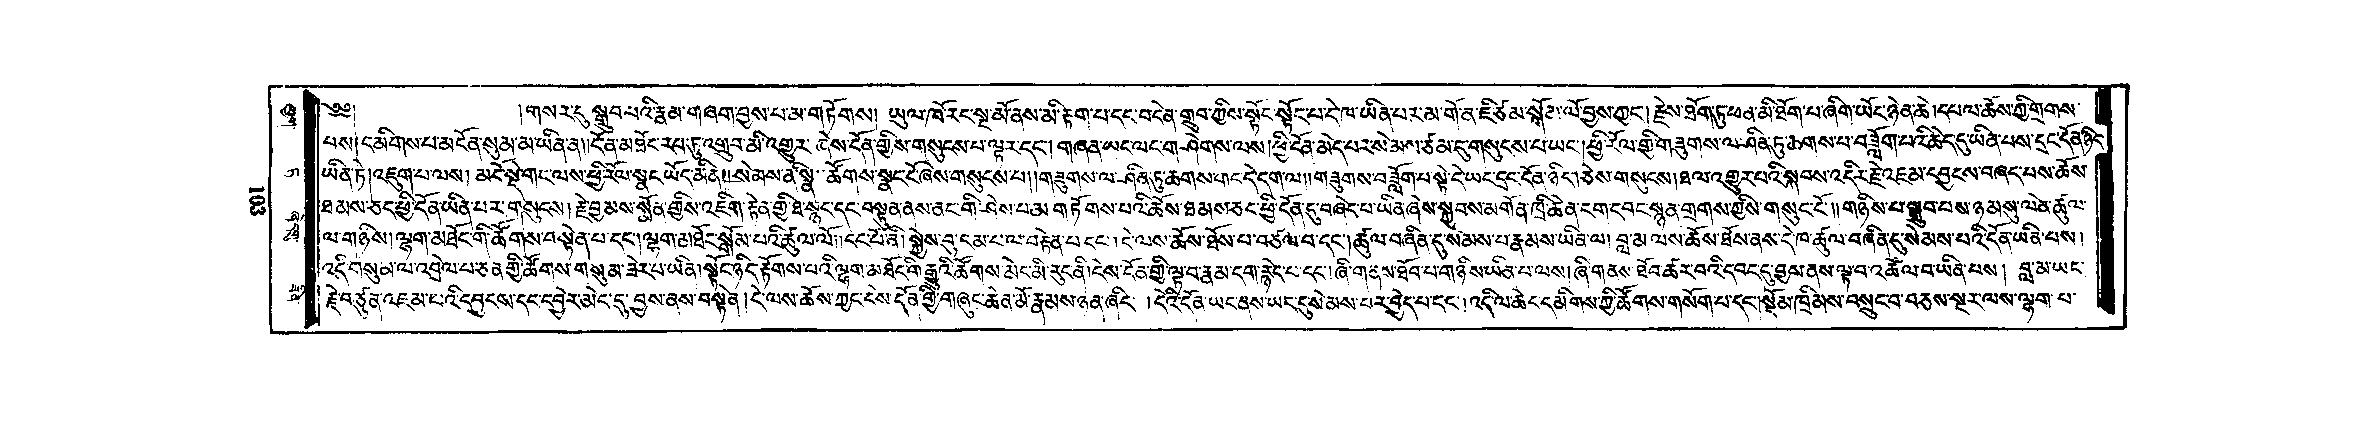༄༅། །གསར་དུ་སྒྲུབ་པའི་རྣམ་གཞག་བྱས་པ་མ་གཏོགས། ཡུལ་ཁོ་རང་སྔ་མོ་ནས་མི་རྟག་པ་དང་བདེན་གྲུབ་ཀྱིས་སྟོང་སྟོང་པ་དེ་ཁ་ཡིན་པར་མ་གོ་ན་ཇི་ཙམ་སྒོམ་ལོ་བྱས་ཀྱང་། རྗེས་ཐོག་ཏུ་ཕན་མི་ཐོག་པ་ཞིག་ཡོང་ཉེན་ཆེ། དཔལ་ཆོས་ཀྱི་གྲགས་
པས། དམིགས་པ་མངོན་སུམ་མ་ཡིན་ན། །དོན་མཐོང་རབ་ཏུ་འགྲུབ་མི་འགྱུར་ཞེས་དོན་གྱིས་གསུངས་པ་ལྟར་དང་། གཞན་ཡང་ལང་གཤེགས་ལས། ཕྱི་དོན་མེད་པར་སེམས་ཙམ་དུ་གསུངས་པ་ཡང་། ཕྱི་རོལ་གྱི་གཟུགས་ལ་ཤིན་ཏུ་ཆགས་པ་བཟློག་པའི་ཆེད་དུ་ཡིན་པས་དྲང་དོན་ཉིད་
ཡིན་ཏེ། འཇུག་པ་ལས། མདོ་སྡེ་གང་ལས་ཕྱི་རོལ་སྣང་ཡོད་མིན། །སེམས་ནི་སྣ་ཚོགས་སྣང་ངོ་ཞེས་གསུངས་པ། །གཟུགས་ལ་ཤིན་ཏུ་ཆགས་གང་དེ་དག་ལ། །གཟུགས་བཟློག་པ་སྟེ་དེ་ཡང་དྲང་དོན་ཉིད། ཅེས་གསུངས། ཐལ་འགྱུར་བའི་སྐབས་འདིར་རྗེ་འཇམ་དབྱངས་བཞད་པས་ཆོས་
ཐམས་ཅད་ཕྱི་དོན་ཡིན་པར་གསུངས། རྗེ་བྱམས་སྨོན་གྱིས་འཇིག་རྟེན་གྱི་ཐ་སྙད་དང་བསྟུན་ནས་ནང་གི་ཤེས་པ་མ་གཏོགས་པའི་ཆོས་ཐམས་ཅད་ཕྱི་དོན་དུ་བཞེད་པ་ཡིན་ཞེས་སྐྱབས་མགོན་ཁྲི་ཆེན་ངག་དབང་སྙན་གྲགས་ཀྱིས་གསུང་ངོ། །གཉིས་པ་སྒྲུབ་པས་ཉམས་སུ་ལེན་ཚུལ་
ལ་གཉིས། ལྷག་མཐོང་གི་ཚོགས་བསྟེན་པ་དང་། ལྷག་མཐོང་སྒོམ་པའི་ཚུལ་ལོ། །དང་པོ་ནི། སྐྱེས་བུ་དམ་པ་ལ་བརྟེན་པ་དང་། དེ་ལས་ཆོས་ཐོས་པ་བཙལ་བ་དང་། ཚུལ་བཞིན་དུ་སེམས་པ་རྣམས་ཡིན་ལ། བླ་མ་ལས་ཆོས་ཐོས་ནས་དེ་ཁ་ཚུལ་བཞིན་དུ་སེམས་པའི་དོན་ཡིན་པས།
འདི་གསུམ་ལ་འབྲེལ་པ་ཅན་གྱི་ཚོགས་གསུམ་ཟེར་པ་ཡིན། སྟོང་ཉིད་རྟོགས་པའི་ལྷག་མཐོང་གི་རྒྱུའི་ཚོགས་མེད་མི་རུང་ནི། ངེས་དོན་གྱི་ལྟ་བ་རྣམ་དག་རྙེད་པ་དང་། ཞི་གནས་ཐོབ་པ་གཉིས་ཡིན་པ་ལས། ཞི་གནས་ཐོབ་ཚར་བའི་དབང་དུ་བྱས་ནས་ལྟ་བ་འཚོལ་བ་ཡིན་པས། བླ་མ་ཡང་
རྗེ་བཙུན་འཇམ་པའི་དབྱངས་དང་དབྱེར་མེད་དུ་བྱས་ནས་བསྟེན། དེ་ལས་ཆོས་ཀྱང་ངེས་དོན་གྱི་གཞུང་ཆེན་མོ་རྣམས་ཉན་ཞིང་། དེའི་དོན་ཡང་ནས་ཡང་དུ་སེམས་པར་བྱེད་པ་དང་། འདི་ལ་ཆེང་དམིགས་ཀྱི་ཚོགས་གསོག་པ་དང་། སྡོམ་ཁྲིམས་བསྲུང་བ་བཅས་སྔར་ལས་ལྷག་པ་